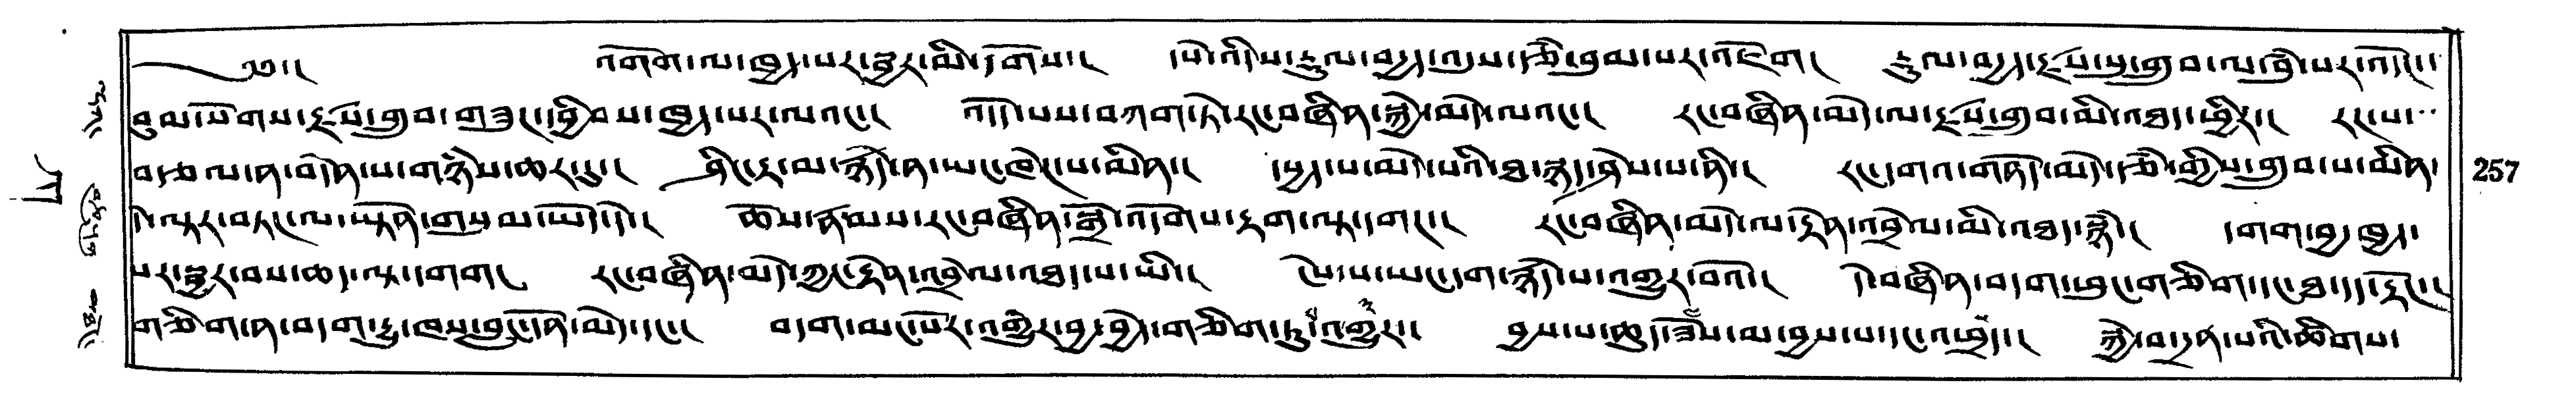འགོག་ལ་ཁྱད་པར་སྦྱར་མི་དགོས། །དཔེ་འདིས་རྡུལ་བརྒྱད་འདུས་ཙམ་བུམ་པར་འཇོག །རྡུལ་བརྒྱད་རྫས་སུ་གྲུབ་ལ་བུམ་པར་འདོགས། །
བུམ་སོགས་རྫས་གྲུབ་གཟུགས་དབྱིབས་ཁྱད་པར་ལའང་། །འདོད་པས་བཀག་ཏེ་རང་བཞིན་སྐྱེ་མེད་ལའང་། །རང་བཞིན་མེད་ལ་རྫས་གྲུབ་མི་འཐད་ཕྱིར། །རགས་པ་
བཙལ་ན་བདེན་པ་གཉིས་ཆར་དུ། །ཤིང་རྟ་མ་རྙེད་ན་ཡང་ཁེགས་པ་མིན། །དཔྱད་པ་མེད་པའི་ཐ་སྙད་ཤེས་པ་ནི། །རང་དགའ་གནོད་མེད་ཙམ་གྱིས་གྲུབ་པ་མིན། །
དེ་ལྟར་བཏགས་ལ་ཡོན་ཏན་གསུམ་ཡོད་དེ། །ཆོས་རྣམས་རང་བཞིན་སྒྲོ་འདོགས་རྟག་ལྟ་དགག །རང་བཞིན་མེད་ལ་རྟེན་འབྲེལ་མི་འཐད་སྙམ། །དགག་བྱ་ཁྱད་
པར་སྦྱར་བས་ཆད་ལྟ་དགག །རང་བཞིན་མེད་ཀྱང་རྟེན་འབྲེལ་འཐད་པ་ཡི། །ངེས་པ་ཡང་དག་རྙེད་པར་འགྱུར་བའོ། །དེ་བཞིན་བདག་ཕུང་གཅིག་དང་ཐ་དད་རྟོགས། །
གཅིག་ན་བདག་རྒྱུ་ཁས་བླངས་དོན་མེད་དང་། །བདག་མང་པོར་འགྱུར་བྱ་བྱེད་གཅིག་ཏུ་འགྱུར། །བྱས་པ་ཆུད་ཟོས་མ་བྱས་པ་དང་འཕྲད། །སྐྱེ་བ་དྲན་པའི་ཚིག་